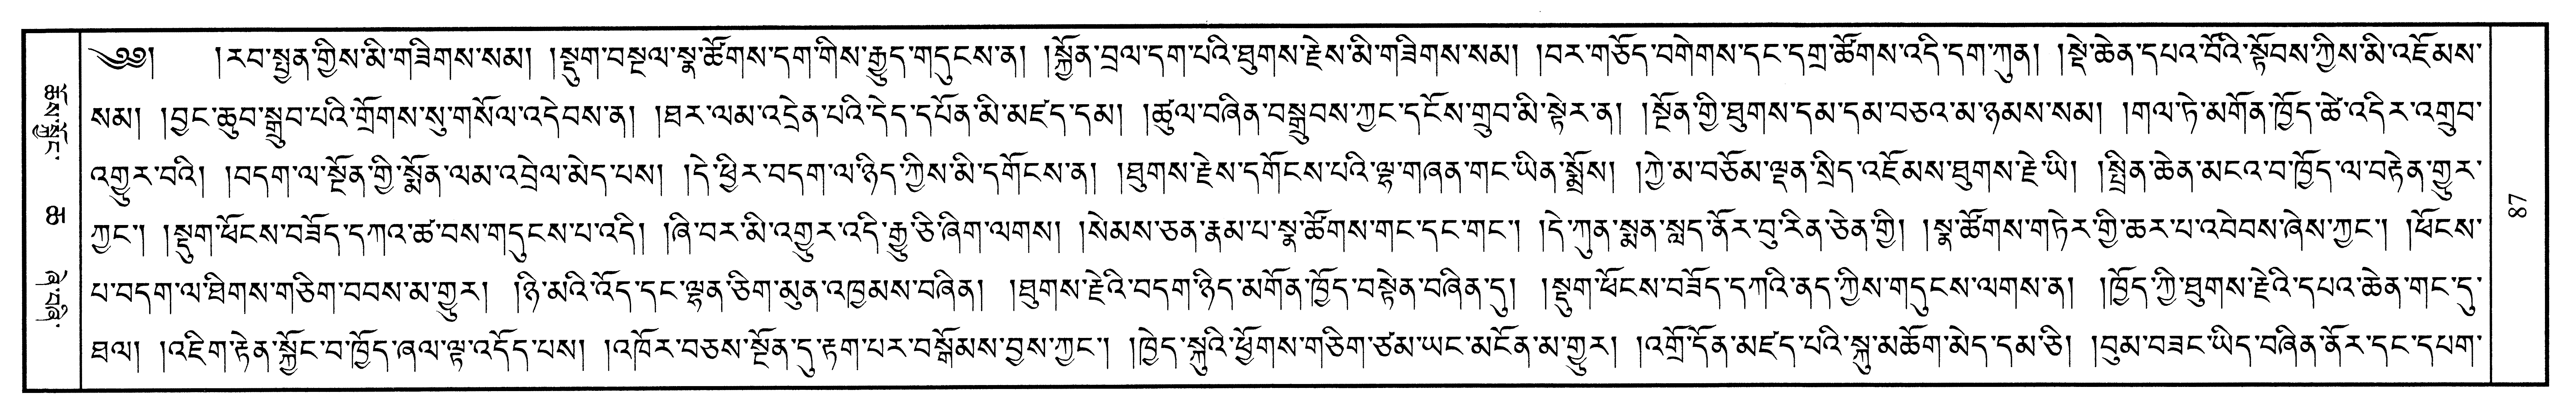༄༅། །རབ་སྤྱན་གྱིས་མི་གཟིགས་སམ། །སྡུག་བསྔལ་སྣ་ཚོགས་དག་གིས་རྒྱུད་གདུངས་ན། །སྐྱོན་བྲལ་དག་པའི་ཐུགས་རྗེས་མི་གཟིགས་སམ། །བར་གཅོད་བགེགས་དང་དགྲ་ཚོགས་འདི་དག་ཀུན། །སྡེ་ཆེན་དཔའ་བོའི་སྟོབས་ཀྱིས་མི་འཇོམས་
སམ། །བྱང་ཆུབ་སྒྲུབ་པའི་གྲོགས་སུ་གསོལ་འདེབས་ན། །ཐར་ལམ་འདྲེན་པའི་དེད་དཔོན་མི་མཛད་དམ། །ཚུལ་བཞིན་བསྒྲུབས་ཀྱང་དངོས་གྲུབ་མི་སྟེར་ན། །སྔོན་གྱི་ཐུགས་དམ་དམ་བཅའ་མ་ཉམས་སམ། །གལ་ཏེ་མགོན་ཁྱོད་ཚེ་འདིར་འགྲུབ་
འགྱུར་བའི། །བདག་ལ་སྔོན་གྱི་སྨོན་ལམ་འབྲེལ་མེད་པས། །དེ་ཕྱིར་བདག་ལ་ཉིད་ཀྱིས་མི་དགོངས་ན། །ཐུགས་རྗེས་དགོངས་པའི་ལྷ་གཞན་གང་ཡིན་སྨྲོས། །ཀྱེ་མ་བཅོམ་ལྡན་སྲིད་འཇོམས་ཐུགས་རྗེ་ཡི། །སྤྲིན་ཆེན་མངའ་བ་ཁྱོད་ལ་བརྟེན་གྱུར་
ཀྱང་། །སྡུག་ཕོངས་བཟོད་དཀའ་ཚ་བས་གདུངས་པ་འདི། །ཞི་བར་མི་འགྱུར་འདི་རྒྱུ་ཅི་ཞིག་ལགས། །སེམས་ཅན་རྣམ་པ་སྣ་ཚོགས་གང་དང་གང་། །དེ་ཀུན་སྨན་སླད་ནོར་བུ་རིན་ཅེན་གྱི། །སྣ་ཚོགས་གཏེར་གྱི་ཆར་པ་འབེབས་ཞེས་ཀྱང་། །ཕོངས་
པ་བདག་ལ་ཐིགས་གཅིག་བབས་མ་གྱུར། །ཉི་མའི་འོད་དང་ལྷན་ཅིག་མུན་འཁྱམས་བཞིན། །ཐུགས་རྗེའི་བདག་ཉིད་མགོན་ཁྱོད་བསྟེན་བཞིན་དུ། །སྡུག་ཕོངས་བཟོད་དཀའི་ནད་ཀྱིས་གདུངས་ལགས་ན། །ཁྱོད་ཀྱི་ཐུགས་རྗེའི་དཔའ་ཆེན་གང་དུ་
ཐལ། །འཇིག་རྟེན་སྐྱོང་བ་ཁྱོད་ཞལ་ལྟ་འདོད་པས། །འཁོར་བཅས་སྔོན་དུ་རྟག་པར་བསྒོམས་བྱས་ཀྱང་། །ཁྱེད་སྐུའི་ཕྱོགས་གཅིག་ཙམ་ཡང་མངོན་མ་གྱུར། །འགྲོ་དོན་མཛད་པའི་སྐུ་མཆོག་མེད་དམ་ཅི། །བུམ་བཟང་ཡིད་བཞིན་ནོར་དང་དཔག་